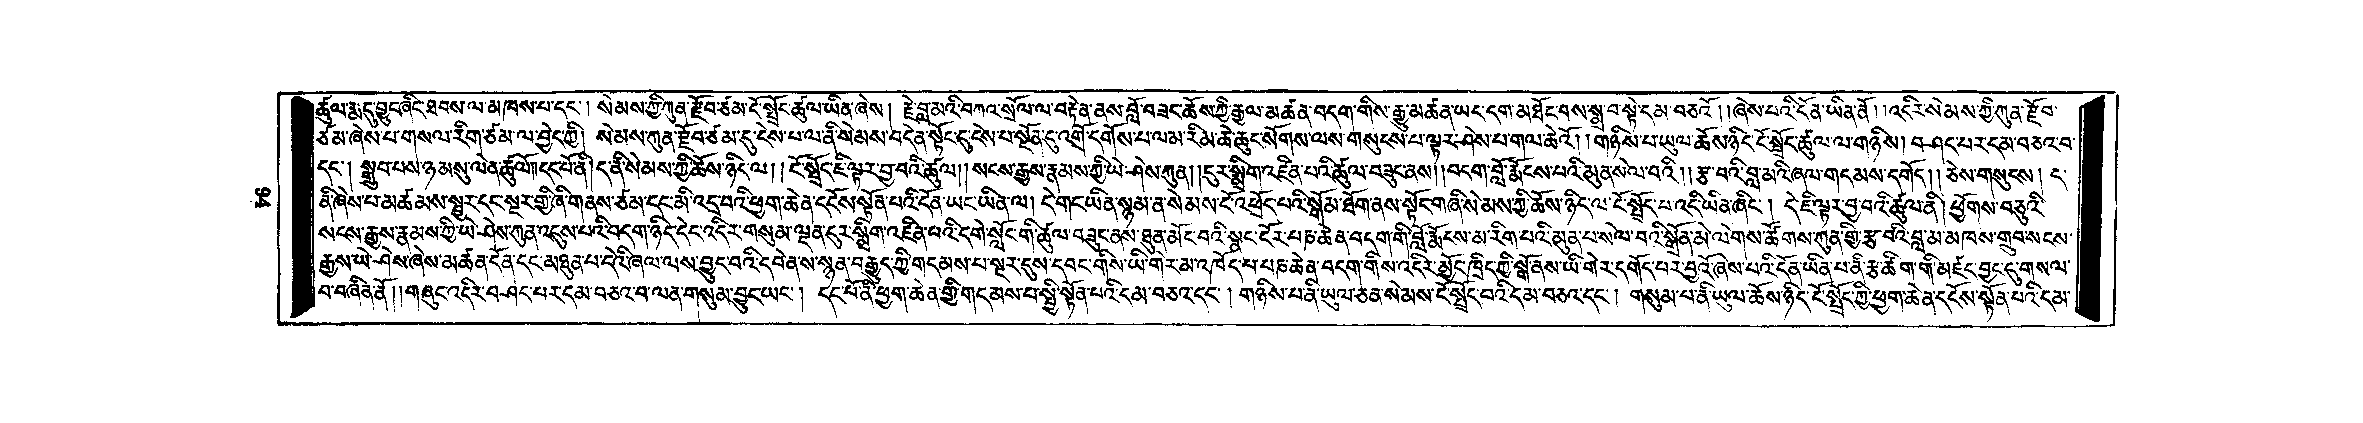ཚུལ་རྨད་དུ་བྱུང་ཞིང་ཐབས་ལ་མཁས་པ་དང་། སེམས་ཀྱི་ཀུན་རྫོབ་ཙམ་ངོ་སྤྲོད་ཚུལ་ཡིན་ཞེས། རྗེ་བླ་མའི་བཀའ་སྲོལ་ལ་བརྟེན་ནས་བློ་བཟང་ཆོས་ཀྱི་རྒྱལ་མཚན་བདག་གིས་རྒྱུ་མཚན་ཡང་དག་མཐོང་བས་སྨྲ་བ་སྟེ་དམ་བཅའོ། །ཞེས་པའི་དོན་ཡིན་ནོ། །འདིར་སེམས་ཀྱི་ཀུན་རྫོབ་
ཙམ་ཞེས་པ་གསལ་རིག་ཙམ་ལ་བྱེད་ཀྱི། སེམས་ཀུན་རྫོབ་ཙམ་དུ་ངེས་པ་ལ་ནི་སེམས་བདེན་སྟོང་དུ་ངེས་པ་སྔོན་དུ་འགྲོ་དགོས་པ་ལམ་རིམ་ཆེ་ཆུང་སོགས་ལས་གསུངས་པ་ལྟར་ཤེས་པ་གལ་ཆེའོ། །གཉིས་པ་ཡུལ་ཆོས་ཉིད་ངོ་སྤྲོད་ཚུལ་ལ་གཉིས། བཤད་པར་དམ་བཅའ་བ་
དང་། སྒྲུབ་པས་ཉམས་སུ་ལེན་ཚུལ་ལོ། དང་པོ་ནི། ད་ནི་སེམས་ཀྱི་ཆོས་ཉིད་ལ། །ངོ་སྤྲོད་ཇི་ལྟར་བྱ་བའི་ཚུལ། །སངས་རྒྱས་རྣམས་ཀྱི་ཡེ་ཤེས་ཀུན། །ངུར་སྨྲིག་འཛིན་པའི་ཚུལ་བཟུང་ནས། །བདག་བློ་རྨོངས་པའི་མུན་སེལ་བའི། །རྩ་བའི་བླ་མའི་ཞལ་གདམས་དགོད། །ཅེས་གསུངས། ད་
ནི་ཞེས་པ་མཚམས་སྦྱར་དང་སྔར་གྱི་ཞི་གནས་ཙམ་དང་མི་འདྲ་བའི་ཕྱག་ཆེན་དངོས་སྟོན་པའི་དོན་ཡང་ཡིན་ལ། དེ་གང་ཡིན་སྙམ་ན་སེམས་ངོ་འཕྲོད་པའི་སྒོམ་ཐོག་ནས་སྟོང་གཞི་སེམས་ཀྱི་ཆོས་ཉིད་ལ་ངོ་སྤྲོད་པ་འདི་ཡིན་ཞིང་། དེ་ཇི་ལྟར་བྱ་བའི་ཚུལ་ནི། ཕྱོགས་བཅུའི་
སངས་རྒྱས་རྣམས་ཀྱི་ཡེ་ཤེས་ཀུན་འདུས་པའི་བདག་ཉིད་དེང་འདིར་གསུམ་ལྡན་ངུར་སྨྲིག་འཛིན་པའི་དགེ་སློང་གི་ཚུལ་བཟུང་ནས་ཐུན་མོང་བའི་སྣང་ངོར་པཎ་ཆེན་བདག་གི་བློ་རྨོངས་མ་རིག་པའི་མུན་པ་སེལ་བའི་སྒྲོན་མེ་ལེགས་ཚོགས་ཀུན་གྱི་རྩ་བའི་བླ་མ་མཁས་གྲུབ་སངས་
རྒྱས་ཡེ་ཤེས་ཞེས་མཚན་དོན་དང་མཐུན་པ་དེའི་ཞལ་ལས་བྱུང་བའི་དབེན་ས་སྙན་བརྒྱུད་ཀྱི་གདམས་པ་སྔར་དུས་དབང་གིས་ཡི་གེར་མ་འཁོད་པ་པཎ་ཆེན་བདག་གིས་འདིར་མྱོང་ཁྲིད་ཀྱི་སྒོ་ནས་ཡི་གེར་དགོད་པར་བྱའོ་ཞེས་པའི་དོན་ཡིན་པ་ནི་རྩ་ཚིག་གི་མཛད་བྱང་དུ་གསལ་
བ་བཞིན་ནོ། །གཞུང་འདིར་བཤད་པར་དམ་བཅའ་བ་ལན་གསུམ་བྱུང་ཡང་། དང་པོ་ནི་ཕྱག་ཆེན་གྱི་གདམས་པ་སྤྱི་སྟོན་པའི་དམ་བཅའ་དང་། གཉིས་པ་ནི་ཡུལ་ཅན་སེམས་ངོ་སྤྲོད་པའི་དམ་བཅའ་དང་། གསུམ་པ་ནི་ཡུལ་ཆོས་ཉིད་ངོ་སྤྲོད་ཀྱི་ཕྱག་ཆེན་དངོས་སྟོན་པའི་དམ་